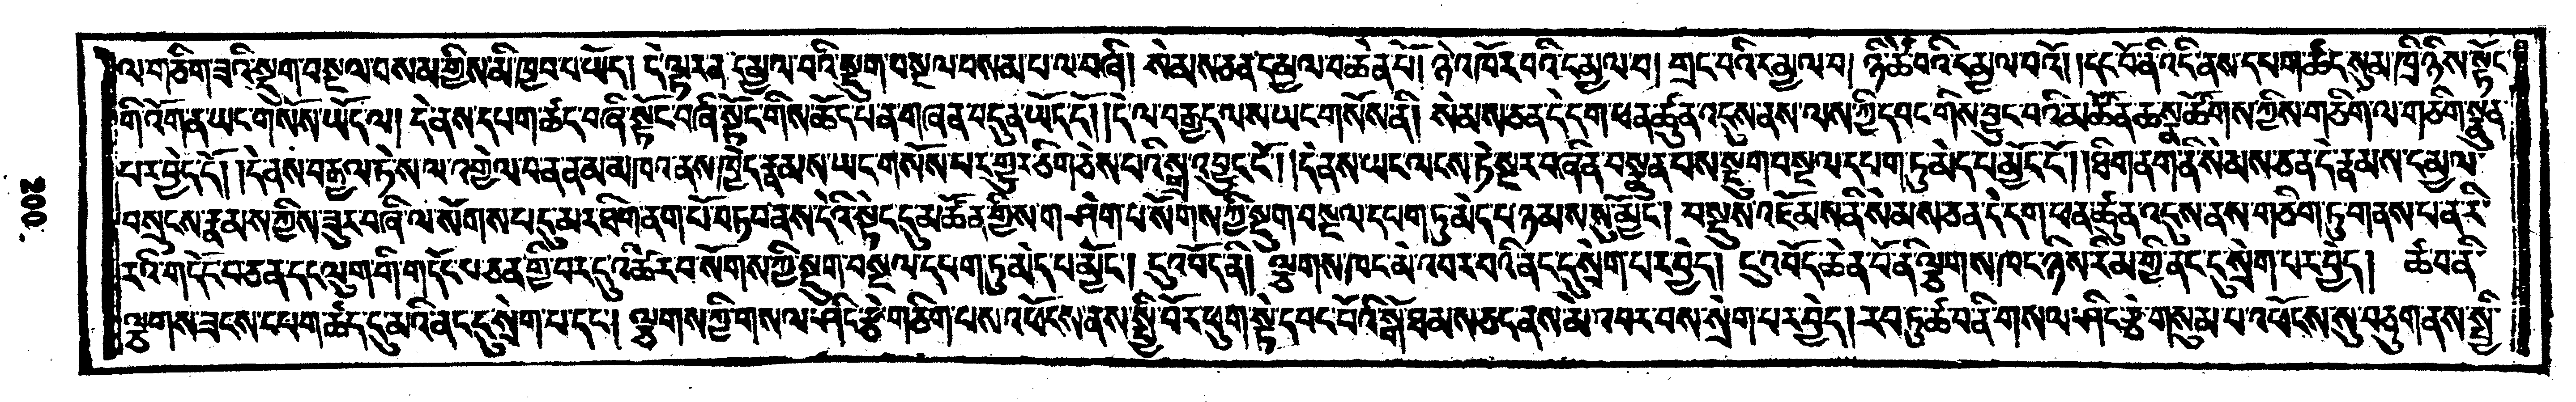ལ་གཅིག་ཟའི་སྡུག་བསྔལ་བསམ་གྱིས་མི་ཁྱབ་པ་ཡོད། དེ་ལྟར་ན་དམྱལ་བའི་སྡུག་བསྔལ་བསམ་པ་ལ་བཞི། སེམས་ཅན་དམྱལ་བ་ཆེན་པོ། ཉེ་འཁོར་བའི་དམྱལ་བ། གྲང་བའི་དམྱལ་བ། ཉི་ཚེ་བའི་དམྱལ་བའོ། །དང་པོ་ནི་འདི་ནས་དཔག་ཚད་སུམ་ཁྲི་ཉིས་སྟོང་
གི་འོག་ན་ཡང་གསོས་ཡོད་ལ། དེ་ནས་དཔག་ཚང་བཞི་སྟོང་བཞི་སྟོང་གིས་ཆོད་པ་ན་གཞན་བདུན་ཡོད་དོ། །དེ་ལ་བརྒྱད་ལས་ཡང་གསོས་ནི། སེམས་ཅན་དེ་དག་ཕན་ཚུན་འདུས་ནས་ལས་ཀྱི་དབང་གིས་བྱུང་བའི་མཚོན་ཆ་སྣ་ཚོགས་ཀྱིས་གཅིག་ལ་གཅིག་སྣུན་
པར་བྱེད་དོ། །དེ་ནས་བརྒྱལ་ཏེ་ས་ལ་འགྱེལ་བ་ན་ནམ་མཁའ་ནས་ཁྱེད་རྣམས་ཡང་གསོས་པར་གྱུར་ཅིག་ཅེས་པའི་སྒྲ་འབྱུང་ངོ། །དེ་ནས་ཡང་ལངས་ཏེ་སྔར་བཞིན་བསྣུན་པས་བསྡུག་བསྔལ་དཔག་ཏུ་མེད་པ་མྱོང་ངོ། །ཐིག་ནག་ནི་སེམས་ཅན་དེ་རྣམས་དམྱལ་
བསྲུངས་རྣམས་ཀྱིས་ཟུར་བཞི་ལ་སོགས་པ་དུ་མར་ཐིག་ནག་པོ་བཏབ་ནས་དེའི་སྟེང་དུ་མཚོན་གྱིས་གཤེག་པ་སོགས་ཀྱི་སྡུག་བསྔལ་དཔག་ཏུ་མེད་པ་ཉམས་སུ་མྱོང་། བསྡུས་འཇོམས་ནི་སེམས་ཅན་དེ་དག་ཕན་ཚུན་འདུས་ནས་གཅིག་ཏུ་གནས་པ་ན་རི་
རའི་གདོང་བ་ཅན་དང་ལུག་གི་གདོང་པ་ཅན་གྱི་བར་དུ་འཚི་རབ་སོགས་ཀྱི་སྡུག་བསྔལ་དཔག་ཏུ་མེད་པ་མྱོང་། དུ་འབོད་ནི། ལྕགས་ཁང་མེ་འབར་བའི་ནང་དུ་སྲེག་པར་བྱེད། དུ་འབོད་ཆེན་པོ་ནི་ལྕགས་ཁང་ཉིས་རིམ་གྱི་ནང་དུ་སྲེག་པར་བྱེད། ཚ་བ་ནི་
ལྕགས་ཟངས་དཔག་ཚད་དུ་མའི་ནང་དུ་སྲེག་པ་དང་། ལྕགས་ཀྱི་གསལ་ཤིང་རྩེ་གཅིག་པས་འཕོངས་ནས་སྤྱི་བོར་ཕུག་སྟེ་དབང་པོའི་སྒོ་ཐམས་ཅད་ནས་མེ་འབར་བས་སྲེག་པར་བྱེད། རབ་ཏུ་ཚ་བ་ནི་གསལ་ཤིང་རྩེ་གསུམ་པ་འཕོངས་སུ་བཅུག་ནས་སྤྱི་